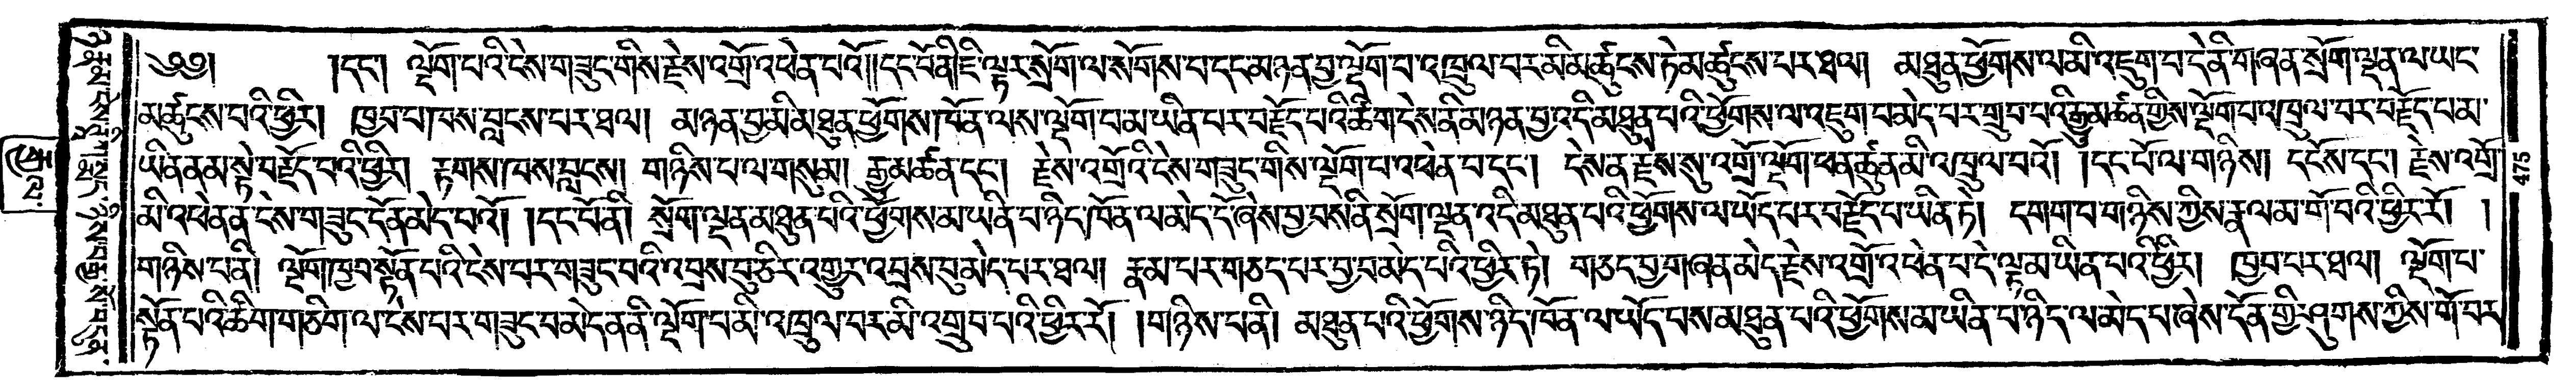༄༅། །དང་། ལྡོག་པའི་ངེས་གཟུང་གིས་རྗེས་འགྲོ་འཕེན་པའོ། །དང་པོ་ནི། ཇི་ལྟར་སྲོག་ལ་སོགས་པ་དང་མཉན་བྱ་ལྡོག་པ་འཁྲུལ་པར་མི་མཚུངས་ཏེ་མཚུངས་པར་ཐལ། མཐུན་ཕྱོགས་ལ་མི་འཇུག་པ་དེ་ནི་གཞན་སྲོག་ལྡན་ལ་ཡང་
མཚུངས་པའི་ཕྱིར། ཁྱབ་པ་ཁས་བླངས་པར་ཐལ། མཉན་བྱ་མི་མཐུན་ཕྱོགས་ཁོ་ན་ལས་ལྡོག་པ་མ་ཡིན་པར་བརྗོད་པའི་ཚིག་དེས་ནི་མཉན་བྱ་འདི་མཐུན་པའི་ཕྱོགས་ལ་འཇུག་པ་མེད་པར་གྲུབ་པའི་རྒྱུ་མཚན་གྱིས་ལྡོག་པ་འཁྲུལ་བར་བརྗོད་པ་མ་
ཡིན་ནམ་སྟེ་བརྗོད་པའི་ཕྱིར། རྟགས་ཁས་བླངས། གཉིས་པ་ལ་གསུམ། རྒྱུ་མཚན་དང་། རྗེས་འགྲོའི་ངེས་གཟུང་གིས་ལྡོག་པ་འཕེན་པ་དང་། དེས་ན་རྗེས་སུ་འགྲོ་ལྡོག་ཕན་ཚུན་མི་འཁྲུལ་བའོ། །དང་པོ་ལ་གཉིས། དངོས་དང་། རྗེས་འགྲོ་
མི་འཕེན་ན་ངེས་གཟུང་དོན་མེད་པའོ། །དང་པོ་ནི། སྲོག་ལྡན་མཐུན་པའི་ཕྱོགས་མ་ཡིན་པ་ཉིད་ཁོ་ན་ལ་མེད་དོ་ཞེས་བྱ་བས་ནི་སྲོག་ལྡན་འདི་མཐུན་པའི་ཕྱོགས་ལ་ཡོད་པར་བརྗོད་པ་ཡིན་ཏེ། དགག་པ་གཉིས་ཀྱིས་རྣལ་མ་གོ་བའི་ཕྱིར་རོ། །
གཉིས་པ་ནི། ལྡོག་ཁྱབ་སྟོན་པའི་ངེས་པར་གཟུང་བའི་འབྲས་བུ་ཅིར་འགྱུར་འབྲས་བུ་མེད་པར་ཐལ། རྣམ་པར་གཅད་པར་བྱ་བ་མེད་པའི་ཕྱིར་ཏེ། གཅད་བྱ་གཞན་མེད་རྗེས་འགྲོ་འཕེན་པ་དེ་ལྟ་མ་ཡིན་པའི་ཕྱིར། ཁྱབ་པར་ཐལ། ལྡོག་པ་
སྟོན་པའི་ཚིག་གཅིག་ལ་ངེས་པར་གཟུང་བ་མེད་ན་ནི་ལྡོག་པ་མི་འཁྲུལ་བར་མི་འགྲུབ་པའི་ཕྱིར་རོ། །གཉིས་པ་ནི། མཐུན་པའི་ཕྱོགས་ཉིད་ཁོ་ན་ལ་ཡོད་པས་མཐུན་པའི་ཕྱོགས་མ་ཡིན་པ་ཉིད་ལ་མེད་པ་ཞེས་དོན་གྱི་ཤུགས་ཀྱིས་གོ་བར་